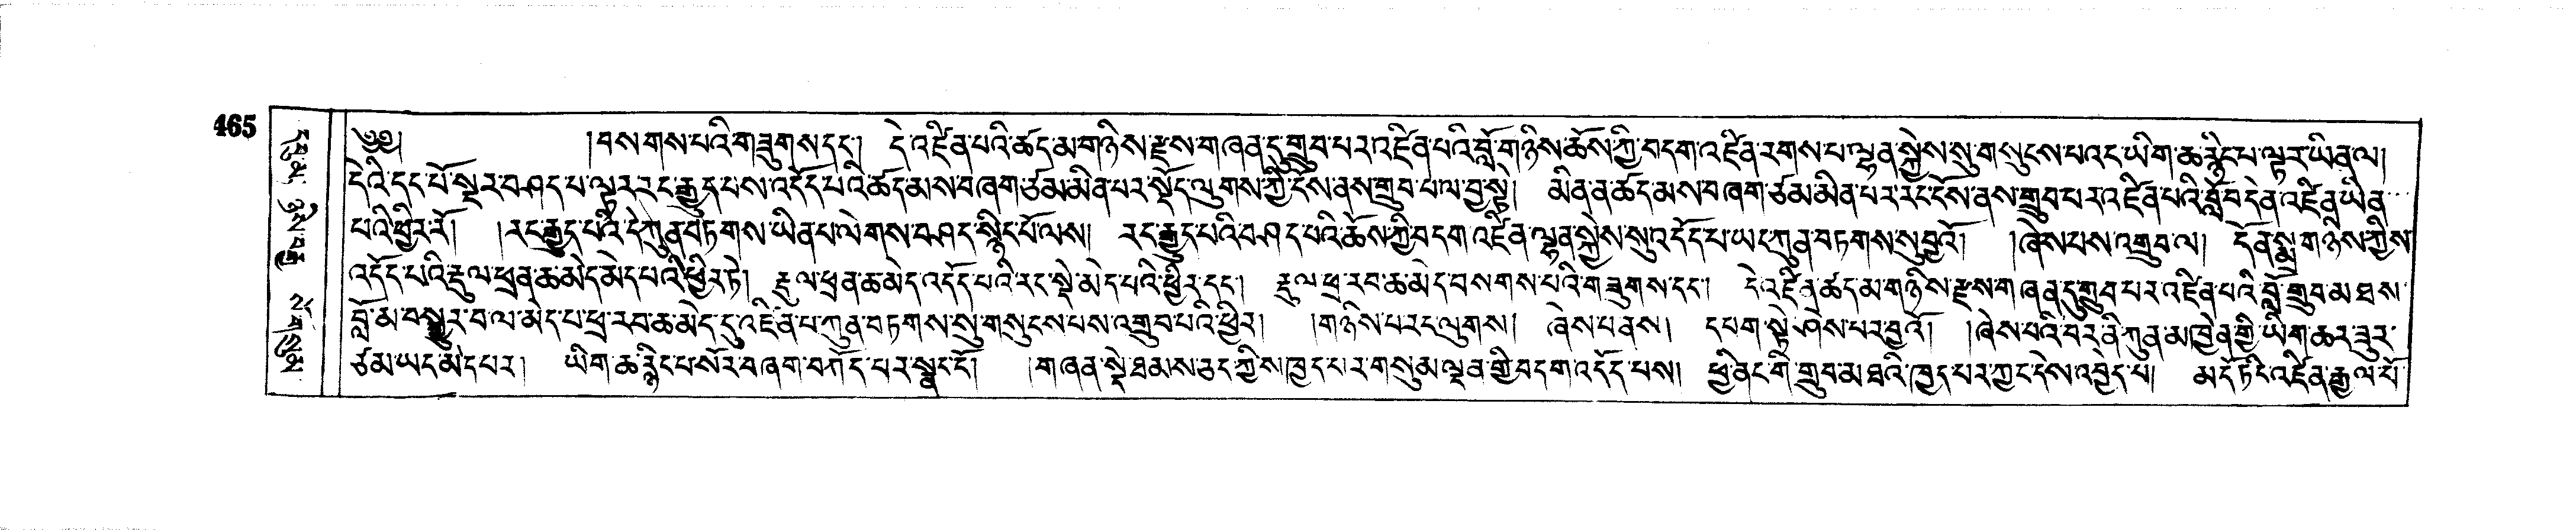༄༅། །བསགས་པའི་གཟུགས་དང་། དེ་འཛིན་པའི་ཚད་མ་གཉིས་རྫས་གཞན་དུ་གྲུབ་པར་འཛིན་པའི་བློ་གཉིས་ཆོས་ཀྱི་བདག་འཛིན་རགས་པ་ལྷན་སྐྱེས་སུ་གསུངས་པའང་ཡིག་ཆ་རྙིང་པ་ལྟར་ཡིན་ལ།
དེའི་དང་པོ་སྔར་བཤད་པ་ལྟར་རང་རྒྱུད་པས་འདོད་པའི་ཚད་མས་བཞག་ཙམ་མིན་པར་སྡོད་ལུགས་ཀྱི་ངོས་ནས་གྲུབ་པ་ལ་བྱ་སྟེ། མིན་ན་ཚད་མས་བཞག་ཙམ་མིན་པར་རང་ངོས་ནས་གྲུབ་པར་འཛིན་པའི་བློ་བདེན་འཛིན་ཡིན་
པའི་ཕྱིར་རོ། །རང་རྒྱུད་པའི་དེ་ཀུན་བཏགས་ཡིན་པ་ལེགས་བཤད་སྙིང་པོ་ལས། རང་རྒྱུད་པའི་བཤད་པའི་ཆོས་ཀྱི་བདག་འཛིན་ལྷན་སྐྱེས་སུ་འདོད་པ་ཡང་ཀུན་བཏགས་སུ་བྱའོ། །ཞེས་པས་འགྲུབ་ལ། དོན་སྨྲ་གཉིས་ཀྱིས་
འདོད་པའི་རྡུལ་ཕྲན་ཆ་མེད་མེད་པའི་ཕྱིར་ཏེ། རྡུལ་ཕྲན་ཆ་མེད་འདོད་པའི་རང་སྡེ་མེད་པའི་ཕྱིར་དང་། རྡུལ་ཕྲ་རབ་ཆ་མེད་བསགས་པའི་གཟུགས་དང་། དེ་འཛིན་ཚད་མ་གཉིས་རྫས་གཞན་དུ་གྲུབ་པར་འཛིན་པའི་བློ་གྲུབ་མཐས་
བློ་མ་བསྒྱུར་བ་ལ་མེད་པ་ཕྲ་རབ་ཆ་མེད་དུ་འཛིན་པ་ཀུན་བཏགས་སུ་གསུངས་པས་འགྲུབ་པའི་ཕྱིར། །གཉིས་པ་རང་ལུགས། ཞེས་པ་ནས། དཔག་སྟེ་ཤེས་པར་བྱའོ། །ཞེས་པའི་བར་ནི་ཀུན་མཁྱེན་གྱི་ཡིག་ཆར་ཟུར་
ཙམ་ཡང་མེད་པར། ཡིག་ཆ་རྙིང་པ་སོར་བཞག་བཀོད་པར་སྣང་ངོ། །གཞན་སྡེ་ཐམས་ཅད་ཀྱིས་ཁྱད་པར་གསུམ་ལྡན་གྱི་བདག་འདོད་པས། ཕྱི་ནང་གི་གྲུབ་མཐའི་ཁྱད་པར་ཀྱང་དེས་འབྱེད་པ། མདོ་ཏིང་འཛིན་རྒྱལ་པོ་